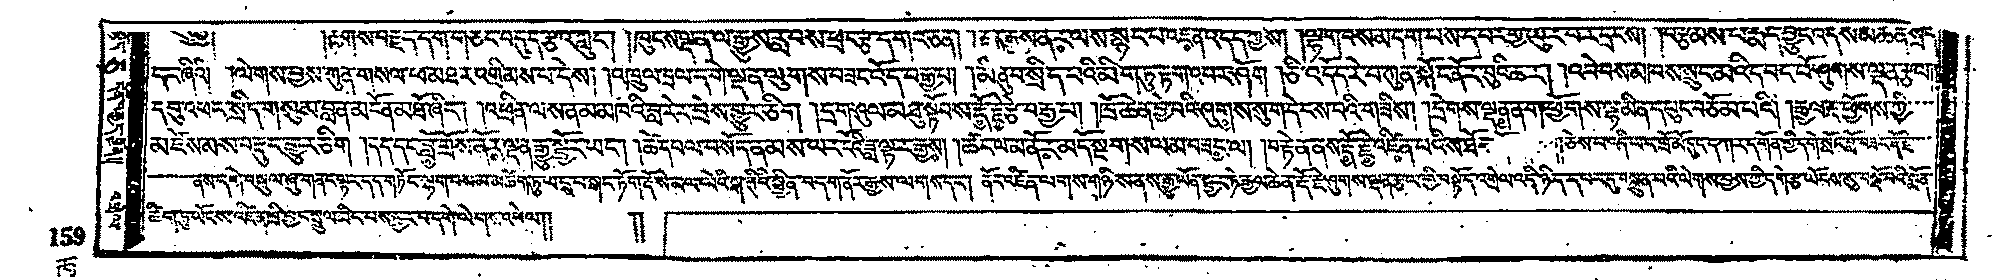༄༅། །རྟགས་བརྗོད་དག་གཅང་བདུད་རྩ་འ་ཀླུང་། །ཁུངས་ལྡན་ལ་རྒྱུས་རླབས་ཕྲང་རྩ་དགའ་ཅན། །རྟན་རྒྱས་ནར་ལས་སྙང་པ་འཇན་འདད་ཀྱིས། །ལྷག་བསམ་དག་པས་དཔར་གྱ་ཡུར་བར་དྲངས། །བརྩམས་པ་རྨད་བྱུང་འདས་མཚན་སྲད་
དང་ཞིའི། །ལེགས་བྱས་ཀུན་གསལ་ཕ་མཐར་འགྲིམས་པ་དེས། །འཁྲུལ་བྲལ་དགེ་ལྡན་ལུགས་བཟང་འོད་བརྒྱ་པ། །མི་ནུབ་སྲིད་པའི་མིག་ཏུ་རྟག་འབར་ཤོག །ཅི་འདོད་རེ་བ་ཀུན་སྐོང་ནོར་བུའི་ཆར། །འབེབས་མཁས་སྲུང་མའི་དབང་པོ་ཤུགས་ལྡན་རྩལ།
དབུ་འཕང་སྲིད་གསུམ་བླ་ན་མངོན་མཐོ་ཞིང་། །འཕྲིན་ལས་ནམ་མཁའི་བླ་རེར་བྲེས་གྱུར་ཅིག །དྲག་ཤུལ་མཐུ་སྟོབས་རྡོ་རྗེ་རྩེ་བརྒྱ་པ། །ཁྲོ་ཆེན་བྱེ་བའི་ཤུགས་སུ་གདེངས་པའི་གཟིས། །དྲེགས་ལྡན་ནག་ཕྱོགས་ལྷ་མིན་དཔུང་བཅོམ་པའི། །རྒྱལ་རྔ་ཕྱོགས་ཀྱི་
མཛེས་མས་བརྡུང་གྱུར་ཅིག །དད་དང་བློ་གྲོས་ནོར་ལྡན་རྒྱུ་སྦྱོར་ཡང་། །ཚེ་དཔལ་བསོད་ནམས་ཡར་ངོའི་ཟླ་ལྟར་རྒྱས། །ཚང་ལ་མ་ནོར་མདོ་སྔགས་ལམ་བཟང་ལ། །བརྟེན་ནས་རྡོ་རྗེ་འཛིན་པའི་ས་ཐོབ་པོ།། །།ཅེས་པ་འདི་ཡང་གྲོ་མོ་དུང་དཀར་དགོན་གྱི་དགེ་སློང་བློ་བཟང་རྡོ་རྗེ་
ནས་དགེ་བསྐུལ་ཞུ་གནང་ལྟར་དད་གཏོང་ལྷག་བསམ་མཆོག་ཏུ་ཡངས་པ་སྒང་ཏོག་རྡོ་སེ་མལ་ལེའི་སྒ་ཊིའི་སྦྱིན་བདག་ནོར་རྒྱས་ལགས་དང་། ནོར་འཛིན་ལགས་གཉིས་ནས་རྒྱུ་ཡོན་སྦྱར་ཏེ་རྒྱལ་ཆེན་རྡོ་རྗེ་ཤུགས་ལྡན་རྩལ་གྱི་བསྟོད་འགྲེལ་འདི་ཉིད་དཔར་དུ་བསྐྲུན་པའི་ལེགས་བྱས་ཀྱི་དགེ་རྩ་ཡོངས་སུ་བསྔོ་བའི་སྨོན་
ཚིག་ཏུ་ཡོངས་འཛིན་ཁྲི་བྱང་སྤྲུལ་མིང་པས་སྦྱར་བ་དགེ ༣ལེགས་འཕེལ།། །།